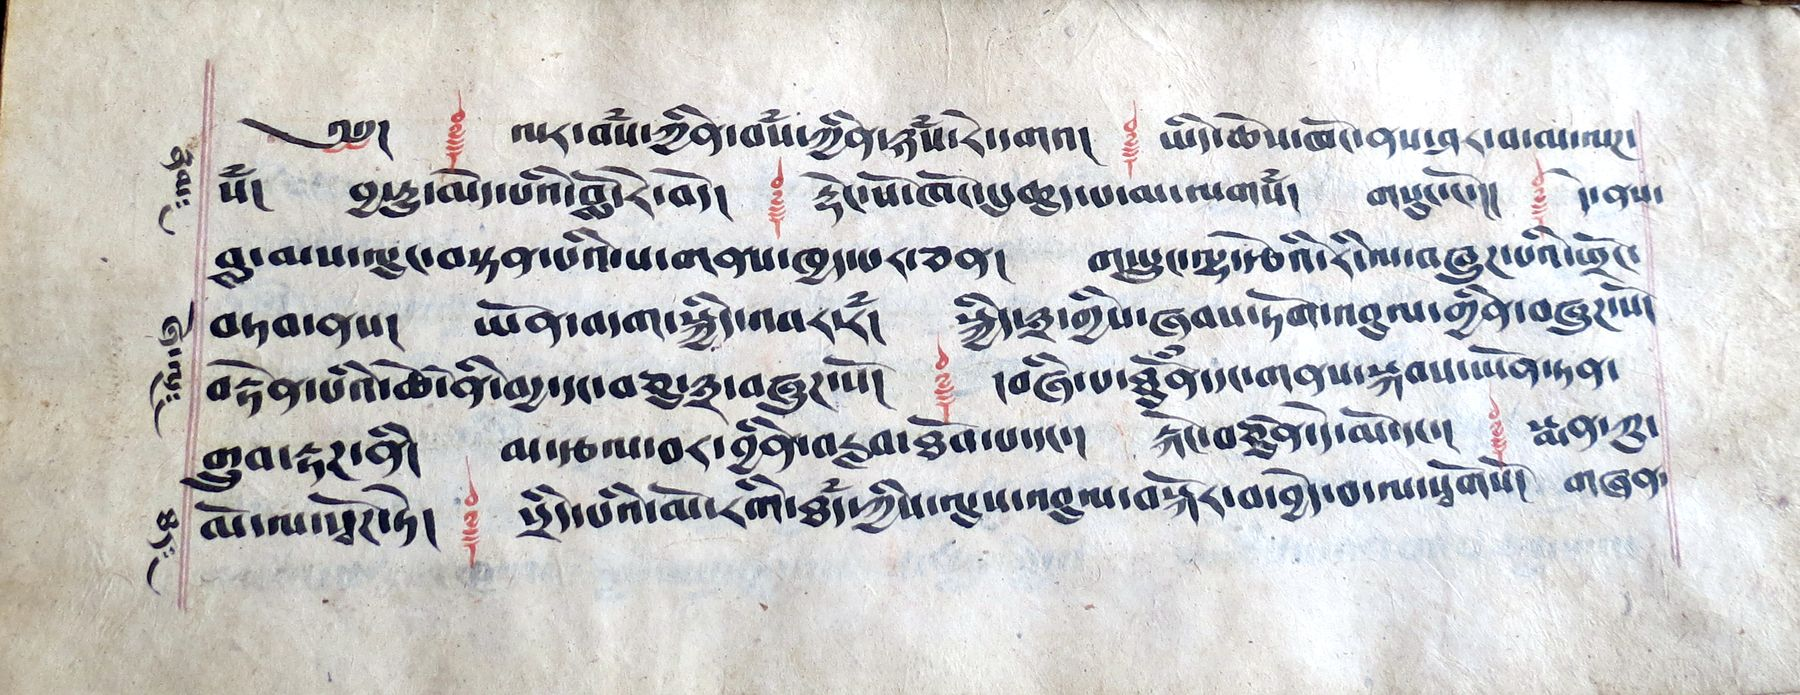ལར་བསམ་གྱིན་བསམ་གྱིན་ཉམས་རེ་དགའ། ཡིད་ཆེས་ཁོང་ནས་ཤར་བ་མ་ལགས་
སམ། བྱ་རྒྱུ་མེད་པ་བློ་རེ་བདེ། གདེང་པོ་ཁོང་དུ་ཆུད་པ་མ་ལགས་སམ་གསུངས་སོ། ། དེ་ནས་
བླ་མས་ལུང་བསྟན་པའི་ས་གནས་ཁྱད་པར་ཅན། གཡུང་དྲུང་ལྷ་རྩེའི་རི་ལ་བཞུགས་པའི་ཕོ་བྲང་
བཏབ་ནས། ཡོན་བདག་སྐྱིད་འབར་རམ་སྐྱིད་གསུམ་གྱིས་ཞབས་ཏོག་འབུལ་གྱིན་བཞུགས་སོ། ། 
བརྟེན་པའི་ཚེ་ནི་བརྒྱ་དང་བཅུ་གསུམ་བཞུགས་སོ། ། བཞི་པ་ཐུན་མོང་དང་གནས་སྐབས་ཀྱི་ཡོན་ཏན་
གྲུབ་རྟགས་ནི། མ་བཙལ་བར་བྱིན་བརླབས་ཐོབ་པ་དང་། ཀོང་བཙུན་དེ་མོ་དང་། སྨན་ཀུ་
མ་ལས་སོགས་ཏེ། སྲིད་པའི་མོ་རིགས་ཐམས་ཅད་ཀྱིས་ལུས་འབུལ་བསྐོར་བ་བྱེད་པ་ལས་སོགས་སོ། ། གཞན་